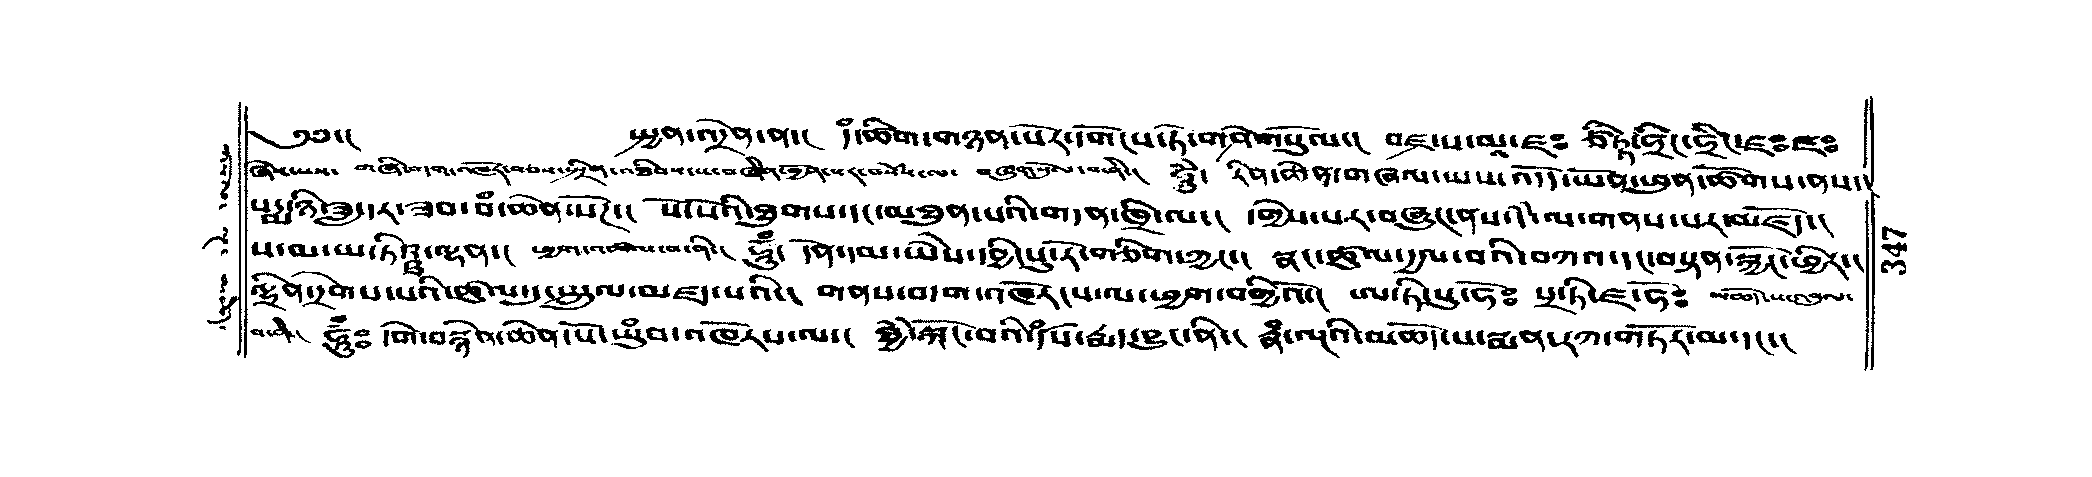སྤྱན་འདྲེན་ན། །དམ་ཚིག་གཉན་པོར་དགོངས་ཏེ་གཤེགས་སུ་གསོལ། །བཛྲ་ས་མཱ་ཛཿ ཙིཏྟ་ཧྲིང་ཧྲིང་ཛཿཛཿ 
ཞེས་པས་གཞི་བདག་འཁོར་བཅས་སྤྲིན་འཐིབས་པ་བཞིན་བྱོན་པར་བསམ་ལ། བཞུགས་སུ་གསོལ་བ་ནི། ཧཱུྂ། རིན་ཆེན་གཞལ་ཡས་འདོད་ཡོན་ཕུན་ཚོགས་ནས། །
པདྨ་ཉི་ཟླ་དར་ཟབ་བཾ་ཆེན་སོགས། །སོ་སོའི་ཐུགས་དང་མཐུན་པའི་གདན་ཁྲི་ལ། །དགྱེས་པར་བཞུགས་ནས་དམ་ལ་གནས་པར་མཛོད། །
ས་མ་ཡ་ཏིཥྛ་ལྷན། ཕྱག་འཚལ་བ་ནི། ཧཱུྂ། དོན་དམ་ཡེ་ཤེས་དབྱིངས་སུ་རོ་གཅིག་ཀྱང་། །སྣང་ཚུལ་རྒྱལ་བའི་བཀའ་དང་བསྟན་སྐྱོང་ཕྱིར། །
ལྷ་སྲིན་དྲེགས་པའི་ཚུལ་དུ་སྤྲུལ་མཛད་པའི། །གནས་བདག་འཁོར་དང་བཅས་ལ་ཕྱག་བགྱིའོ། །ཨ་ཏི་པུ་ཧོཿ པྲ་ཏི་ཛ་ཧོཿ མཆོད་པ་འབུལ་
བ་ནི། ཧཱུྂཿ དགེ་བསྙེན་ཆེན་པོ་ཡབ་ཡུམ་འཁོར་བཅས་ལ། །ཐུགས་དམ་སྐོང་བའི་དམ་རྫས་རྨད་བྱུང་ནི། །རྣམ་ལྔའི་མཆོད་པ་སྨན་རཀ་གཏོར་མ་དང་། །